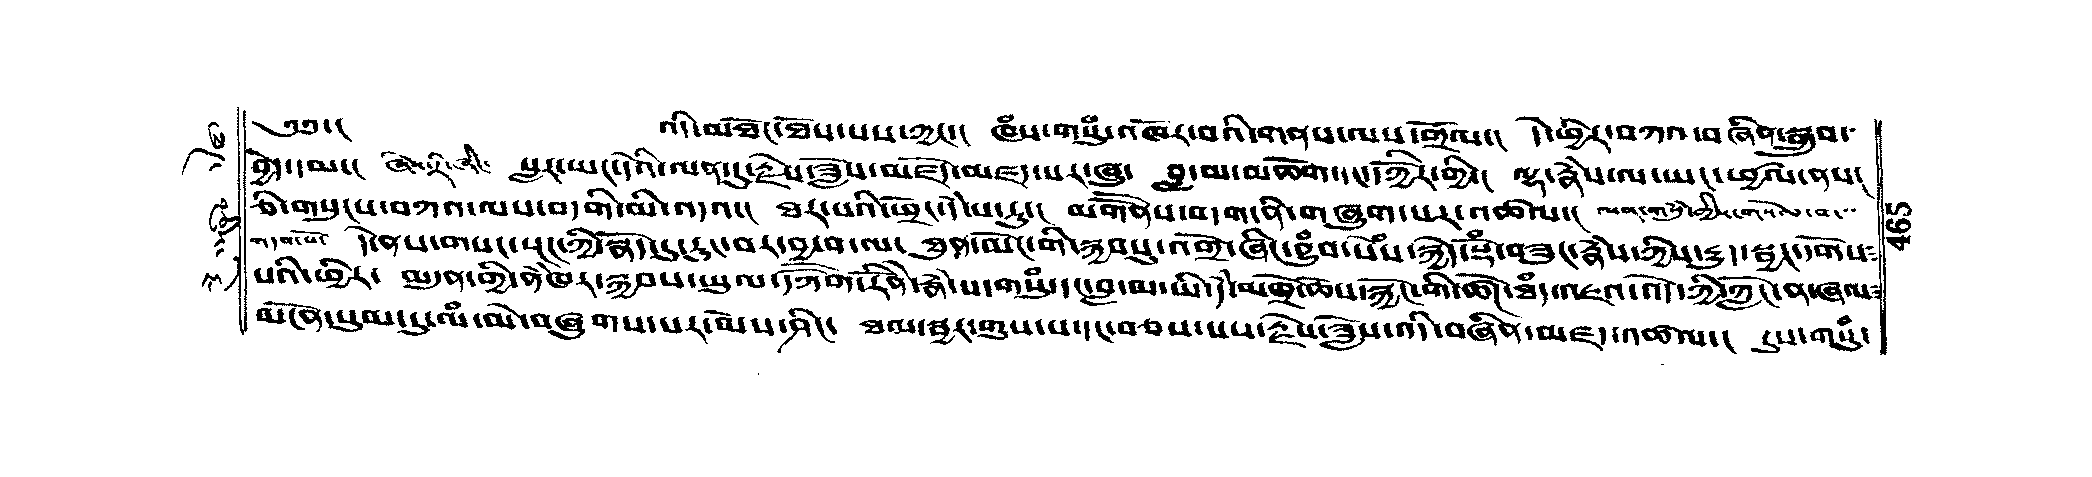འདི་མཐོང་ཐོས་པས་ཀྱང་། །ཁམས་གསུམ་འཁོར་བའི་གནས་ལས་གྲོལ། །དེ་ཕྱིར་བཀའ་བཞིན་སྒྲུབ་
བྱེད་དམ། ཞེས་དྲི་ཞིང་། སླར་ཡང་དེའི་ལན་དུ་རྗེས་ཟློས་མཛོད་མཛད་པར་ཞུ། བླ་མ་མཆོག་དང་དཀྱིལ་འཁོར་གྱི། །ལྷ་རྣམས་ལ་ཡང་ཕྱག་འཚལ་ནས། །
ཅི་གསུངས་བཀའ་ལས་བདག་མི་འདའ། །ཐར་པའི་ཕོ་བྲང་དམ་པ་རུ། །མགོན་པོ་བདག་ནི་གཞུག་པར་འཚལ། ། ལན་གསུམ་གྱིས་གསོལ་བ་
གདབ་བོ།དེ་ནས་གསང་སྔགས་ཀྱི་སྣོད་དུ་རུང་བར་བྱ་བ་ལ། ཐུན་མོང་གི་སྐྱབས་སུ་འགྲོ་ཞིང་བྱང་ཆུབ་སེམས་བསྐྱེད་སྡོམ་བཟུང་རྣམས་ཀྱིས་རྒྱུད་སྦྱངས་དགོས་
པའི་ཕྱིར། མདུན་གྱི་ནམ་མཁར་སྐྱབས་ཡུལ་དཀོན་མཆོག་རིན་ཆེན་རྣམ་པ་གསུམ་དང་བླ་མ་ཡི་དམ་མཁའ་འགྲོ་ཆོས་སྐྱོང་གི་ཚོགས་ཐམས་ཅད་འཇའ་འོད་ཀྱི་ཀློང་་ན་ཞལ་
མངོན་སུམ་དུ་ལམ་མེ་བཞུགས་པར་མོས་ཤིང་། ཐལ་སྦྱར་གུས་པ་དང་བཅས་པས་རྗེས་ཟློས་འདི་བཞིན་མཛད་འཚལ། དུས་གསུམ་